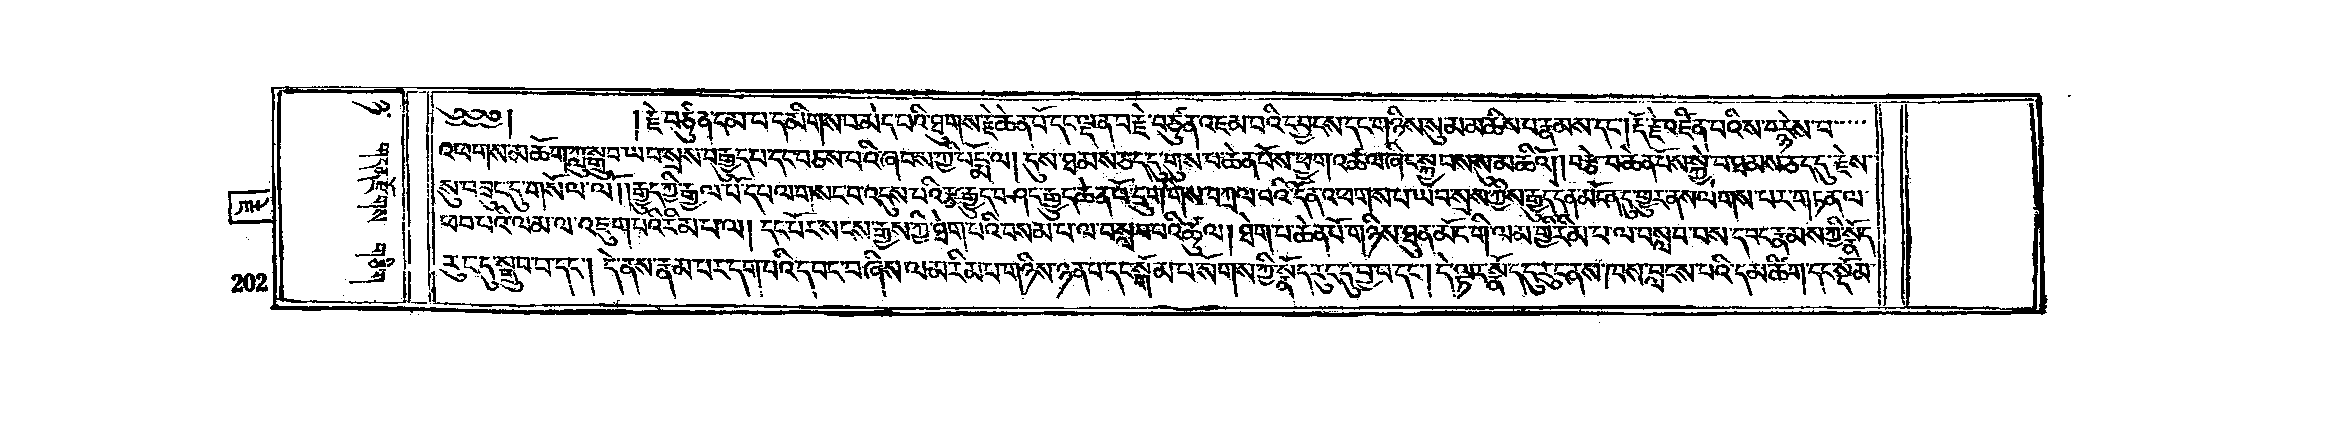༄༅༅། །རྗེ་བཙུན་དམ་པ་དམིགས་པ་མེད་པའི་ཐུགས་རྗེ་ཆེན་པོ་དང་ལྡན་པ་རྗེ་བཙུན་འཇམ་པའི་དབྱངས་དང་གཉིས་སུ་མ་མཆིས་པ་རྣམས་དང་། རྡོ་རྗེ་འཛིན་པའི་ས་བརྙེས་པ་
འཕགས་མཆོག་ཀླུ་སྒྲུབ་ཡབ་སྲས་བརྒྱུད་པ་དང་བཅས་པའི་ཞབས་ཀྱི་པདམོ་ལ། དུས་ཐམས་ཅད་དུ་གུས་པ་ཆེན་པོས་ཕྱག་འཚལ་ཞིང་སྐྱབས་སུ་མཆིའོ། །བརྩེ་བ་ཆེན་པོས་སྐྱེ་བ་ཐམས་ཅད་དུ་རྗེས་
སུ་བཟུང་དུ་གསོལ་ལོ། །རྒྱུད་ཀྱི་རྒྱལ་པོ་དཔལ་གསང་བ་འདུས་པའི་རྩ་རྒྱུད་བཤད་རྒྱུད་ཆེན་པོ་དྲུག་གིས་བཀྲལ་བའི་དོན་འཕགས་པ་ཡབ་སྲས་ཀྱིས་རྒྱུད་དོན་མངོན་དུ་གྱུར་ནས་ལེགས་པར་གཏན་ལ་
ཕབ་པའི་ལམ་ལ་འཇུག་པའི་རིམ་པ་ལ། དང་པོར་སངས་རྒྱས་ཀྱི་ཐེག་པའི་བསམ་པ་ལ་བསླབ་པའི་ཚུལ། ཐེག་པ་ཆེན་པོ་གཉིས་ཐུན་མོང་གི་ལམ་གྱི་རིམ་པ་ལ་བསླབ་པས་དབང་རྣམས་ཀྱི་སྣོད་
རུང་དུ་སྒྲུབ་པ་དང་། དེ་ནས་རྣམ་པར་དག་པའི་དབང་བཞིས་ལམ་རིམ་པ་གཉིས་ཉན་པ་དང་སྒོམ་པ་སོགས་ཀྱི་སྣོད་རུང་དུ་བྱ་བ་དང་། དེ་ལྟར་སྣོད་དུ་རུང་ནས་ཁས་བླངས་པའི་དམ་ཚིག་དང་སྡོམ་